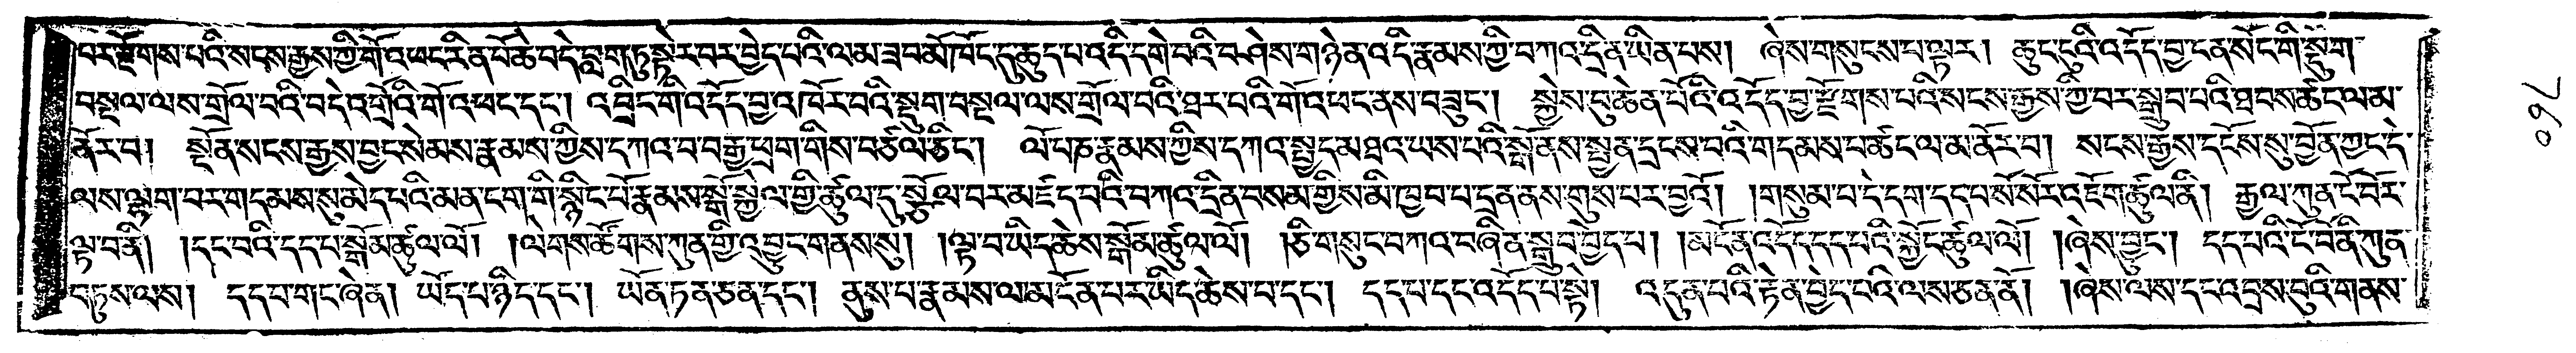པར་རྫོགས་པའི་སངས་རྒྱས་ཀྱི་གོ་འཕང་རིན་པོ་ཆེ་བདེ་བླག་ཏུ་སྟེར་བར་བྱེད་པའི་ལམ་ཟབ་མོ་ཁོང་དུ་ཆུད་པ་འདི་དགེ་བའི་བཤེས་གཉེན་འདི་རྣམས་ཀྱི་བཀའ་དྲིན་ཡིན་པས། ཞེས་གསུངས་པ་ལྟར། ཆུང་ངུའི་འདོད་བྱ་ངན་སོང་གི་སྡུག་
བསྔལ་ལས་གྲོལ་བའི་བདེ་འགྲོའི་གོ་འཕང་དང་། འབྲིང་གི་འདོད་བྱ་འཁོར་བའི་སྡུག་བསྔལ་ལས་གྲོལ་བའི་ཐར་པའི་གོ་འཕང་ནས་བཟུང་། སྐྱེས་བུ་ཆེན་པོའི་འདོད་བྱ་རྫོགས་པའི་སངས་རྒྱས་ཀྱི་བར་སྒྲུབ་པའི་ཐབས་ཚང་ལམ་
ནོར་བ། སྔོན་སངས་རྒྱས་བྱང་སེམས་རྣམས་ཀྱིས་དཀའ་བ་བརྒྱ་ཕྲག་གིས་བཙལ་ཅིང་། ལོ་པཎ་རྣམས་ཀྱིས་དཀའ་སྤྱད་མཐའ་ཡས་པའི་སྒོ་ནས་སྤྱན་དྲངས་པའི་གདམས་པ་ཚང་ལ་མ་ནོར་བ། སངས་རྒྱས་དངོས་སུ་བྱོན་ཀྱང་དེ་
ལས་ལྷག་བར་གདམས་སུ་མེད་པའི་མན་ངག་གི་སྙིང་པོ་རྣམས་སྒོ་སྐྱེལ་གྱི་ཚུལ་དུ་སྩོལ་བར་མཛད་པའི་བཀའ་དྲིན་བསམ་གྱིས་མི་ཁྱབ་པ་དྲན་ནས་གུས་པར་བྱའོ། །གསུམ་པ་དེ་དག་དད་པ་སོ་སོར་འཇོག་ཚུལ་ནི། རྒྱལ་ཀུན་ངོ་བོར་
ལྟ་བ་ནི། །དང་བའི་དད་པ་སྒོམ་ཚུལ་ལོ། །ལེགས་ཚོགས་ཀུན་གྱི་འབྱུང་གནས་སུ། །ལྟ་བ་ཡིད་ཆེས་སྒོ་མཚུལ་ལོ། །ཅི་གསུངས་བཀའ་བཞིན་སྒྲུབ་བྱེད་པ། །མངོན་འདོད་དད་པའི་སྐྱོང་ཚུལ་ལོ། །ཞེས་བྱུང་། དད་པའི་ངོ་བོ་ནི་ཀུན་
བཏུས་ལས། དད་བ་གང་ཞེན། ཡོད་པ་ཉིད་དང་། ཡོན་ཏན་ཅན་དང་། ནུས་པ་རྣམས་ལ་མངོན་པར་ཡིད་ཆེས་པ་དང་། དད་པ་དང་འདོད་པ་སྟེ། འདུན་པའི་རྟེན་བྱེད་པའི་ལས་ཅན་ནོ། །ཞེས་ལས་དང་འབྲས་བུའི་གནས་